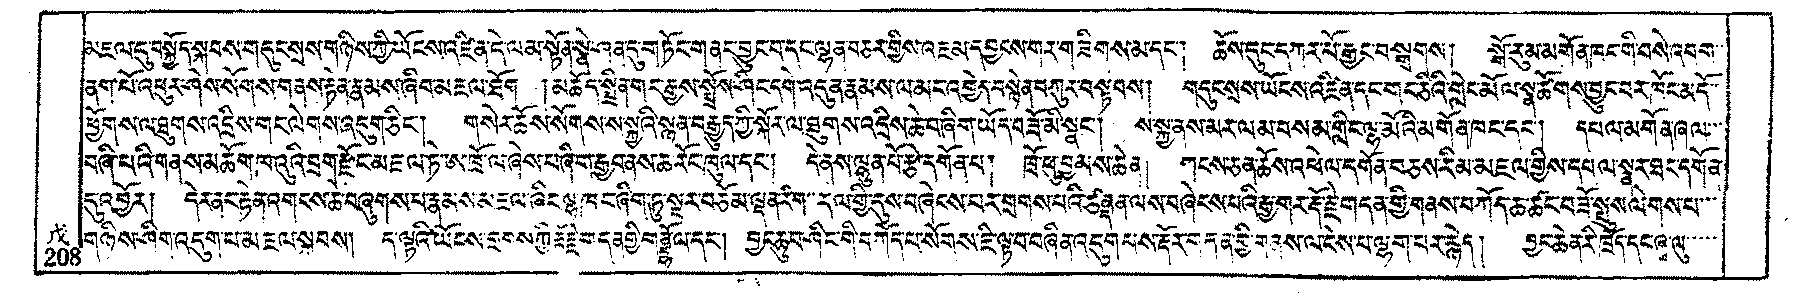མཇལ་དུ་བསྐྱོད་སྐབས་གདུང་སྲས་གཉིས་ཀྱི་ཡོངས་འཛིན་དེ་ལམ་སྟོན་སྣེ་ཤན་དུ་གཏོང་གནང་བྱུང་བ་དང་ལྷན་བཅར་གྱིས་འཇམ་དབྱངས་གར་གཟིགས་མ་དང་། ཆོས་དུང་དཀར་པོ་རྒྱང་བསྒྲགས། སྒོ་རུམ་མགོན་ཁང་གི་བསེ་འབག་
ནག་པོ་འཕུར་ཤེས་སོགས་གནས་རྟེན་རྣམས་ཞིབ་མཇལ་ཐོག །མཆོད་སྤྲིན་གང་རྒྱས་སྤྲོས་ཤིང་དགེ་འདུན་རྣམས་ལ་མང་འགྱེད་བསྙེན་བཀུར་བསྟབས། གདུང་སྲས་ཡོངས་འཛིན་དང་གང་ཅིའི་གླེང་མོ་ལ་སྣ་ཚོགས་བྱུང་བར་ཁོང་མདོ་
ཕྱོགས་ལ་ཐུགས་འདྲིས་གང་ལེགས་འདུག་ཅིང་། གསེར་ཆོས་སོགས་ས་སྐྱའི་སྙན་བརྒྱུད་ཀྱི་སྐོར་ལ་ཐུགས་འདྲིས་ཆེ་བ་ཞིག་ཡོད་བཟོ་མི་སྣང་། ས་སྐྱ་ནས་མར་ལམ་བསམ་གླིང་ལྷ་མོའི་མགོན་ཁང་དང་། དཔལ་མགོན་ཞལ་
བཞི་པའི་གནས་མཆོག་ཁ་འུའི་བྲག་རྫོང་མཇལ་ཏེ་ཨ་ཁྲོ་ལ་ཞེས་པ་ཞིག་རྒྱབ་ནས་ཆ་རོང་ཁུལ་དང་། དེ་ནས་ལྷུན་པོ་རྩེ་དགོན་པ། ཁྲོ་ཕུ་བྱམས་ཆེན། གངས་ཅན་ཆོས་འཕེལ་དགོན་བཅས་རིམ་མཇལ་གྱིས་དཔལ་སྣར་ཐང་དགོན་
དུ་འབྱོར། དེར་ནང་རྟེན་འགངས་ཆེ་བཞུགས་པ་རྣམས་མཇལ་ཞིང་ལྷ་ཁང་ཞིག་ཏུ་སྔར་བཅོམ་ལྡན་རིག་རལ་གྱི་དུས་བཞེངས་པར་གྲགས་པའི་ཙནྡན་ལས་བཞེངས་པའི་རྒྱ་གར་རྡོ་རྗེ་གདན་གྱི་གནས་བཀོད་ཆ་ཚང་བཟོ་སྤུས་ལེགས་པ་
གཉིས་ཤིག་འདུག་པ་མཇལ་སྐབས། ད་ལྟའི་ཡོངས་གྲགས་ཀྱི་རྡོ་རྗེ་གདན་གྱི་གནྡྷོ་ལ་དང་། བྱང་ཆུབ་ཤིང་གི་བཀོད་པ་སོགས་ཇི་ལྟ་བ་བཞིན་འདུག་པས་རྡོར་གདན་གྱི་གནས་ལ་ངེས་པ་ལྷག་པར་རྙེད། བྱང་ཆེན་རི་ཁྲོད་དང་ཞྭ་ལུ་